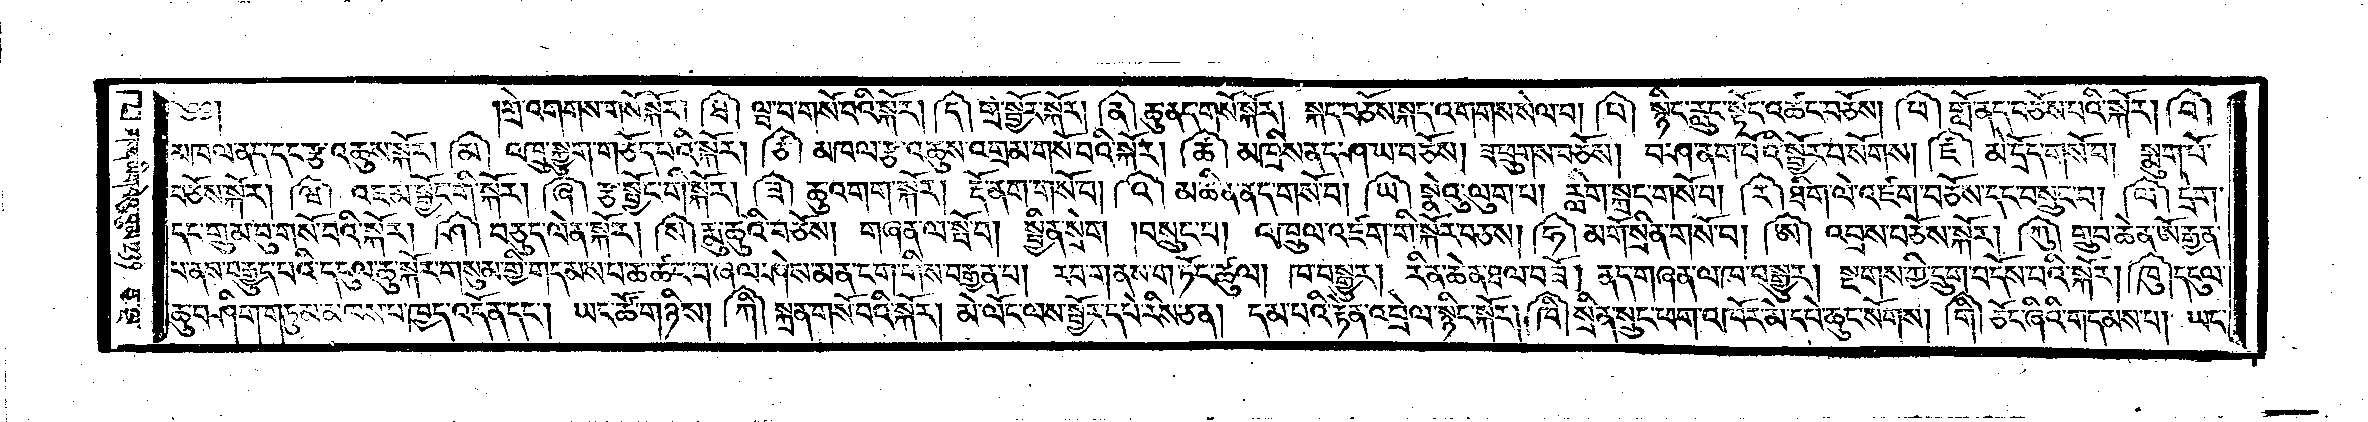༄༅། །གྲེ་འགགས་གསོ་སྐོར། ༼ཐ༽ ཝ་བ་གསོ་བའི་སྐོར། ༼ད༽ གྲེ་སྦྱོར་སྐོར། ༼ན༽ ཆུ་ནད་གསོ་སྐོར། སྐད་བཅོས་སྐད་འགགས་སེལ་བ། ༼པ༽ སྙིང་རླུང་སྟོང་འཚང་བཅོས། ༼ཕ༽ གློ་ནད་བཅོས་པའི་སྐོར། ༼བ༽
མཁལ་ནད་དང་རྩ་འཆུས་སྐོར། ༼མ༽ འཁྲུ་སྐྱུག་གཅོད་པའི་སྐོར། ༼ཙ༽ མཁལ་རྩ་འཆུས་འགྲམ་གསོ་བའི་སྐོར། ༼ཚ༽ མཁྲིས་ནད་ཤ་ཡ་བཅོས། ཟ་ཕྲུགས་བཅོས། བ་ཤ་ནག་པོའི་སྦྱོར་བ་སོགས། ༼ཛ༽ མེ་དྲོད་གསོ་བ། སྨུག་པོ་
བཅོས་སྐོར། ༼ཝ༽ འཇམ་སྦྱོང་གི་སྐོར། ༼ཞ༽ རྩ་སྦྱོང་གི་སྐོར། ༼ཟ༽ ཆུ་འགག་སྐོར། རྡོ་ནག་གསོ་བ། ༼འ༽ མཆིན་ནད་གསོ་བ། ༼ཡ༽ སྣེའུ་ལུག་པ། རླེག་སྐྲང་གསོ་བ། ༼ར༽ ཐིག་ལེ་འཛག་བཅོས་དང་བསྲུང་བ། ༼ལ༽ དྲེག་
དང་གྲུམ་བུ་གསོ་བའི་སྐོར། ༼ཤ༽ བཅུད་ལེན་སྐོར། ༼ས༽ རྨུ་ཆུའི་བཅོས། གཞན་ལ་སྦོ་བ། སྦྱིན་སྲེག། བསྲུང་བ། འཁྲུལ་འཛག་གི་སྐོར་བཅས། ༼ཧ༽ མགོ་སྲིན་གསོ་བ། ༼ཨ༽ འབྲས་བཅོས་སྐོར། ༼ཀུ༽ གྲུབ་ཆེན་ཨོ་རྒྱན་
པ་ནས་བརྒྱུད་པའི་དངུལ་ཆུ་སྐོར་གསུམ་གྱི་གདམས་པ་ཆ་ཚང་བ་ཞལ་ཤེས་མན་ངག་གིས་བརྒྱན་པ། རབ་གནས་གཏོང་ཚུལ། ཁ་བསྒྱུར། རིན་ཆེན་ཐལ་བཟོ། ནད་གཞན་ལ་ཁ་བསྒྱུར། སྔགས་ཀྱི་དྲུག་བདོས་པའི་སྐོར། ༼ཁུ༽ དངུལ་
ཆུ་བཤིག་གཏུམ་མཁས་པ་ཁྱད་འདོན་དང་། ཡང་ཚོ་གཉིས། ༼ཀི༽ སྐྲན་གསོ་བའི་སྐོར། མེ་ལོང་ལས་སྦྱོར་དཔེ་རིས་ཅན། དམ་པའི་རྟེན་འབྲེལ་སྙིང་སྐོར། ༼ཁི༽ སྲིན་སྲུང་ཕག་འཁོར་མེ་དཔེ་ཆུང་སོགས། ༼གི༽ ཅོང་ཞིའི་གདམས་པ། ཡང་